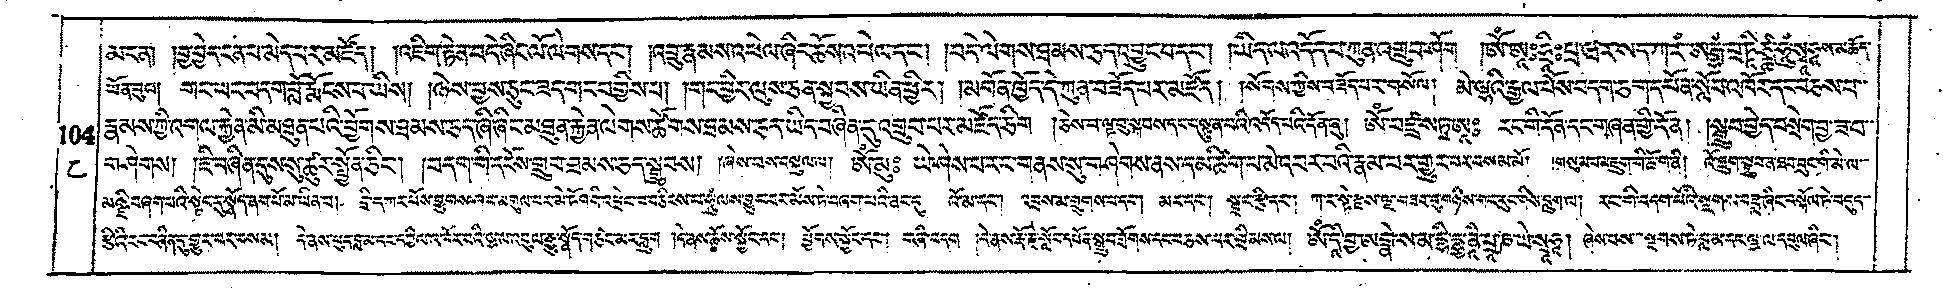མ་ངན། །བྱ་བྱེད་ངན་པ་མེད་པར་མཛོད། །འཇིག་རྟེན་བདེ་ཞིང་ལོ་ལེགས་དང་། །འབྲུ་རྣམས་འཕེལ་ཞིང་ཆོས་འཕེལ་དང་། །བདེ་ལེགས་ཐམས་ཅད་འབྱུང་བ་དང་། །ཡིད་ལ་འདོད་པ་ཀུན་འགྲུབ་ཤོག །ཨོམ་ཨཱཿ ཧྲཱིཿ པྲ་ཝ་ར་སད་ཀ་རཾ་ཨརྒྷཾ་པྲ་ཏཱི་ཙྪ་ཧཱུཾ་སྭཱ་ཧཱས་མཆོད་
ཡོན་ཕུལ། གང་ཡང་བདག་བློ་རྨོངས་པ་ཡིས། །ཉེས་བྱས་ཅུང་ཟད་གང་བགྱིས་པ། །གང་ཕྱིར་ལུས་ཅན་སྐྱབས་ཡིན་ཕྱིན། །མགོན་ཁྱོན་དེ་ཀུན་བཟོད་པར་མཛོད། སོགས་ཀྱིས་བཟོད་པར་གསོལ།  མེ་ལྷའི་རྒྱལ་པོས་བདག་ཅག་དཔོན་སློབ་འཁོར་དང་བཅས་པ་་་
རྣམས་ཀྱི་འགལ་རྐྱེན་མི་མཐུན་པའི་ཕྱོགས་ཐམས་ཅད་ཞི་ཞིང་མཐུན་རྐྱེན་ལེགས་ཚོགས་ཐམས་ཅད་ཡིད་བཞིན་དུ་འགྲུབ་པར་མཛོད་ཅིག་།ཅེས་པ་ལྟ་བུ་སྐབས་དང་བསྟུན་པའི་འདོད་པའི་དོན་ཞུ།  ཨོཾ་བཛྲ་སཏྭ་ཨཱཿ རང་གི་དོན་དང་ཞན་གྱི་དོན། །སྒྲུབ་བྱེད་བསྲེག་བྱ་ཟ་བ་་་
གཤེགས། །ཇི་བཞིན་དུས་སུ་ཚུར་སྤྱོན་ཅིང་། །བདག་གི་དངོས་གྲུབ་ཐམས་ཅས་སྒྲུབ། །ཞེས་པས་བསྐུལ་ལ།  ཨོཾ་མུཿ ཡེ་ཤེས་པ་རང་གནས་སུ་གཤེགས་ནས་དམ་ཚིག་པ་མེ་འབར་བའི་རྣམ་པར་གྱུར་པར་བསམ་མོ། །གསུམ་པ་མཇུག་གི་ཆོ་ག་ནི། འོ་ཐུག་སྒྲུབ་ན་ཐབ་ཁུང་གི་མེ་ལ་་་
མཉེཛི་བཞག་པའི་སྟེང་དུ་སྣོད་ནག་པོ་མ་ཡིན་པ། དྲི་དཀར་པོས་བྱུགས་ཤང་མགུལ་པར་མེ་ཏོག་གི་འཕྲེང་བ་བཅིངས་པ་ཧཱུཾ་ལས་བྱུང་བར་མོས་ཏེ་བཞག་པའི་ནང་དུ་འོ་མ་དང་། འབྲས་མ་གྲུགས་པ་དང་། མར་དང་། སྦྲང་རྩི་དང་། ཀ་ར་སྟེ་རྫས་ལྔ་གཟར་བུ་གཉིས་གང་རུང་གིས་བླུག་ལ། རང་གི་བདག་པོའི་ལྡགས་བཟླ་ཞིང་བསྐོལ་ཏེ་བདུད་་་
རྩིའི་རང་བཞིན་དུ་གྱུར་པར་བསམ། དེ་ནས་ཕུད་བླ་མ་དང་དཀྱིལ་འཁོར་བའི་ལྷ་ལ་འབུལ་རྒྱུ་སྣོད་གཙང་མར་བླུག །དེ་ནས་ཆོས་སྐྱོང་དང་། ཕྱོགས་སྐྱོང་དང་། གཞི་བདག །དེ་ནས་རྡོ་རྗེ་སློབ་དཔོན་སྒྲུབ་གྲོགས་དང་བཅས་པར་བྲིམས་ལ། ཨོཾ་དཱི་བྱ་ཨགནི་ས་མ་དྷི་དྷྱ་ནཱི་པྲཱ་ཎ་ཡེ་སྭཱ་ཧཱ། ཞེས་པས་སྔགས་ཏེ་བླ་མ་དང་ལྷ་ལ་དབུལ་ཞིང་།